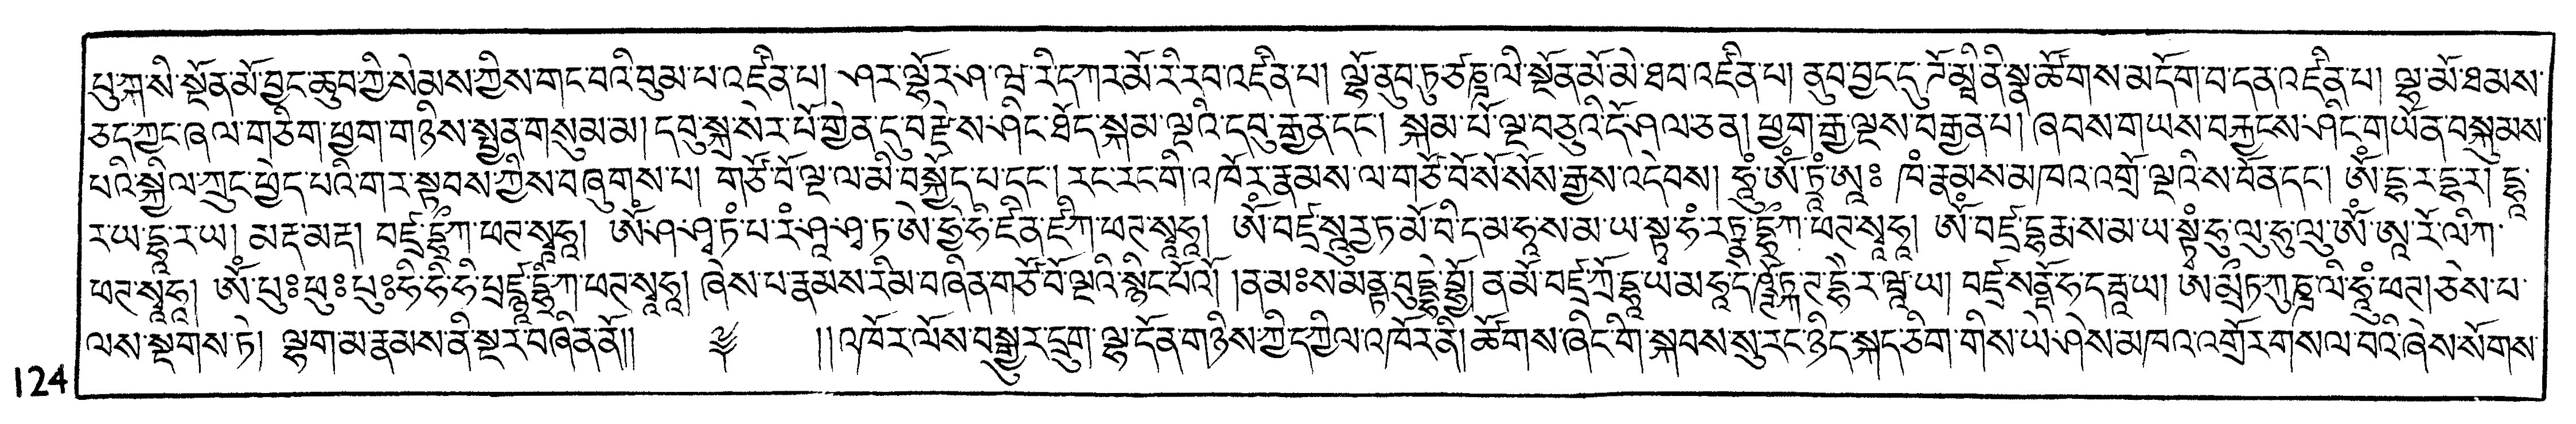པུ་ཀྐ་སི་སྔོན་མོ་བྱང་ཆུབ་ཀྱི་སེམས་ཀྱིས་གང་བའི་བུམ་པ་འཛིན་པ། ཤར་ལྷོར་ཤ་ཝ་རི་དཀར་མོ་རི་རབ་འཛིན་པ། ལྷོ་ནུབ་ཏུ་ཙནྜ་ལི་སྔོན་མོ་མེ་ཐབ་འཛིན་པ། ནུབ་བྱང་དུ་ཌོ་མྦི་ནི་སྣ་ཚོགས་མདོག་བ་དན་འཛིན་པ། ལྷ་མོ་ཐམས་
ཅད་ཀྱང་ཞལ་གཅིག་ཕྱག་གཉིས་སྤྱན་གསུམ་མ། དབུ་སྐྲ་སེར་པོ་གྱེན་དུ་བརྫེས་ཤིང་ཐོད་སྐམ་ལྔའི་དབུ་རྒྱན་དང་། སྐམ་པོ་ལྔ་བཅུའི་དོ་ཤལ་ཅན། ཕྱག་རྒྱ་ལྔས་བརྒྱན་པ། ཞབས་གཡས་བརྐྱངས་ཤིང་གཡོན་བསྐུམས་
པའི་སྐྱིལ་ཀྲུང་ཕྱེད་པའི་གར་སྟབས་ཀྱིས་བཞུགས་པ། གཙོ་བོ་ལྔ་ལ་མི་བསྐྱོད་པ་དང་། རང་རང་གི་འཁོར་རྣམས་ལ་གཙོ་བོ་སོ་སོས་རྒྱས་འདེབས། ཧཱུཾ་ཨོཾ་ཏྲཱཾ་ཨཱཿ ཁཾ་རྣམས་མཁའ་འགྲོ་ལྔའི་ས་བོན་དང་། ཨོཾ་དྷ་ར་དྷ་ར། དྷཱ་
ར་ཡ་དྷཱ་ར་ཡ། མརྡ་མརྡ། བཛྲ་དྷྲྀཀ་ཕཊ་སྭཱཧཱ། ཨོཾ་ཤ་ཤྭ་ཏཾ་པ་རཾ་ཤཱ་ཤྭ་ཏ་ཨེ་ཧྱེ་ཧི་ཛིན་ཛིཀ་ཕཊ་སྭཱ་ཧཱ། ཨོཾ་བཛྲ་སཱུརྱ་ཏ་མོ་བི་ད་མ་ཧཱ་ས་མ་ཡ་སྟྭ་ཧཾ་རཏྣ་དྷྲྀཀ་ཕཊ་སྭཱཧཱ། ཨོཾ་བཛྲ་དྷརྨ་ས་མ་ཡ་སྟྭཾ་ཧུ་ལུ་ཧུ་ལུ་ཨོཾ་ཨཱ་རོ་ལིཀ་
ཕཊ་སྭཱཧཱ། ཨོཾ་པུཿ ཕུཿ པུཿ ཧི་ཧི་ཧི་པྲཛྙཱ་དྷྲི་ཀ་ཕཊ་སྭཱཧཱ། ཞེས་པ་རྣམས་རིམ་བཞིན་གཙོས་བོ་ལྔའི་སྙིང་པོའོ། །ན་མཿ ས་མནྟ་བུདྡྷེ་བྷྱོ། ན་མོ་བཛྲ་ཀྲོ་དྷཱ་ཡ་མཧཱ་དེ་ཥོཊོ་ཏྐ་ཊ་དྷཻ་ར་ཝཱ་ཡ། བཛྲ་སནྡོ་ཧ་དརྦཱ་ཡ། ཨ་མྲྀཏ་ཀུཎྜ་ལི་ཧཱུཾ་ཕཊ། ཅེས་པ་
ལས་སྔགས་ཏེ། ལྷག་མ་རྣམས་ནི་སྔར་བཞིན་ནོ།། ༈ །།འཁོར་ལོས་བསྒྱུར་དྲུག་ལྷ་དོན་གཉིས་ཀྱི་དཀྱིལ་འཁོར་ནི། ཚོགས་ཞིང་གི་སྐབས་སུ་རང་ཉིད་སྐད་ཅིག་གིས་ཡེ་ཤེས་མཁའ་འགྲོར་གསལ་བའི་ཞེས་སོགས་